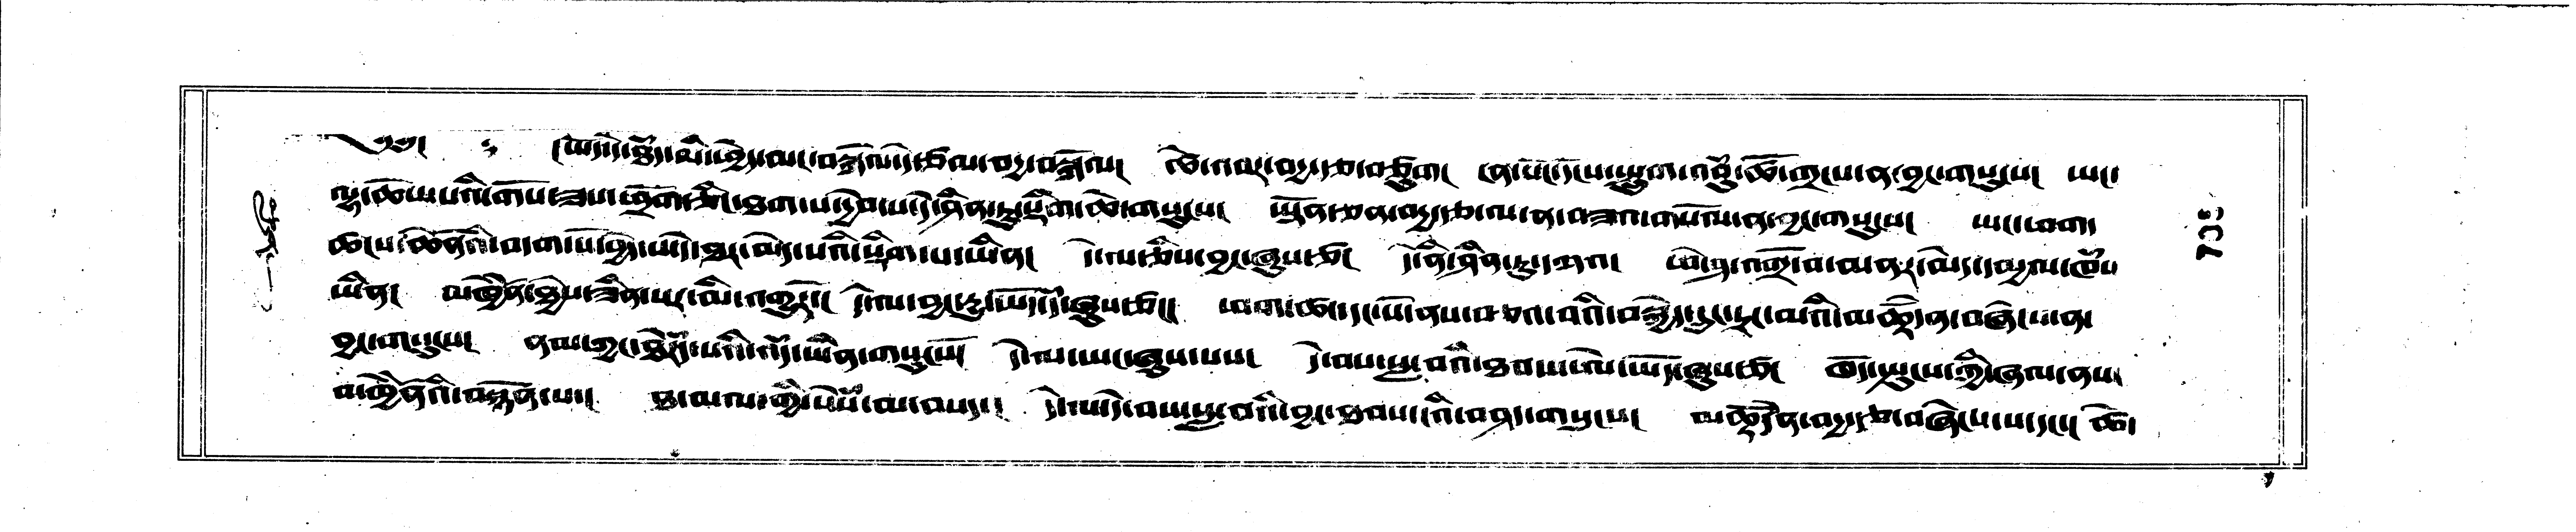ཡོད་ཏེ་ཐིང་མི་མེད་གསུངས། མང་སྐོལ་དེ་ཙམ་བརྒྱ་ཚེ་བྷར་”འབར”བརྒྱ། ངན་སོང་དོང་སྤྲུལ་འབུམ་ཚོ་བརྒྱ་བཏོན་ན་བྱང་གསུངས། ཡང་
ལྷ་ཆོས་པའི་རིག་ལ་གོས་ཟས་ཕྲོགས་སམ། ཐག་པ་བརྒྱབ་པ་དེ་ནི་ཤིན་ཏུ་སྡིཌ་ཆེའོ། དེ་ཅིས་བྱང་ཞུས་ཛ། ཡོན་ཏན་ཅན་བརྒྱ་རྩ་ལ་གོས་ཀྱིས་སྦྱིན་པ་བཏང་ན་བྱང་གསུངས། ཕག་
ཚང་ཆེན་པོ་”བདག་པོ”བྱེད་པ་དེ་ནི་ཐར་མེད་པའི་སྡིག་པ་ཡིན་གསུངས། དེ་ནི་བྱང་པ་ཤིན་ཏུ་དཀའ་གསུངས། དེ་ཅིས་བྱང་ཞུས་ཙ། ཕེ་ཤ་འཁོར་བ་མནར་མེད་དམྱལ་ཁམས་
ཡིན་གསུངས། མཁྱེན་བརྩེའི་ཐུག་རྗེས་ཟིན་པར་མི་འགྱུར་གསུངས། དེ་ལ་སྦྱང་ནས་སྦྱང་རྒྱུ་ཨེ་ཡོད་ཞུས་ཙ། ཕག་ཚང་དང་པོ་ནས་བཅའ་བའི་སྐྱེས་དྲུང་གྲངས་མང་ཙམ་གཅིག་དང་མཆོད་རྟེན་བཞེངས་ན་
བྱང་གསུངས། ལར་ནམ་ཀྱང་༼ཡང་༽ཐར་མེད་པའི་འདམ་ཡིན་གསུངས། དེ་ལ་ཡང་ཞུས་པ།། ཨ་ཙ་མ་དེ་བས་སླ་བའི་བྱང་ཐབས་ཨེ་ཡོད་ཞུས་ཙ།། ཁོད་སྤུངས་ཞལ་ནས། 
མཁྱེན་རྩེ་སྟོབས་ལྡན་དྲན་པ་ཐ་མལ་གྱི་སེམས་མ་བསད་པ། དེ་བས་སླ་བའི་བྱང་ཐབས་ངས་བཤད་གསུངས། མཆོད་རྟེན་བརྒྱ་རྩ་བཞེངས་པ་དང། ཚེ་བྷར་